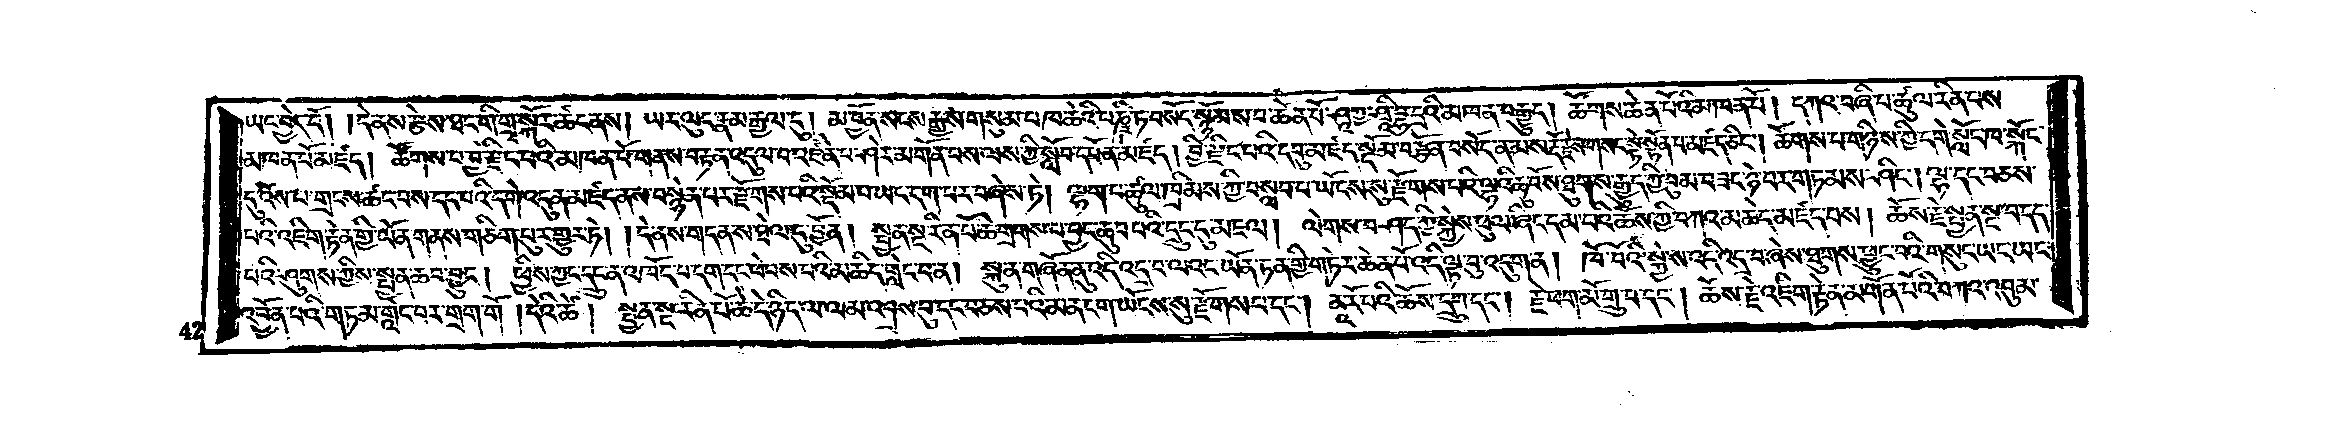ཡང་བྱེད་དོ། །དེ་ནས་རྩེས་ཐང་གི་གྲྭ་སྐོར་ཚང་ནས། ཡར་ལུང་རྣམ་རྒྱལ་དུ། མ་བྱོན་སངས་རྒྱས་གསུམ་པ་ཁ་ཆེའི་པཎྜི་ཏ་བསོད་སྙོམས་པ་ཆེན་པོ་ཤཱཀྱ་ཤྲཱི་བྷ་དྲའི་མཁན་བརྒྱུད། ཚོགས་ཆེན་པོའི་མཁན་པོ། དཀའ་བཞི་པ་ཚུལ་རིན་པས་
མཁན་པོ་མཛད། ཚོགས་པ་བྱེ་རྫིང་པའི་མཁན་པོ་གནས་བརྟན་འདུལ་བ་འཛིན་པ་ཤེར་མགོན་པས་ལས་ཀྱི་སློབ་དཔོན་མཛད། བྱི་རྫིང་པའི་དབུ་མཛད་སྡོམ་བརྩོན་བསོད་ནམས་རྡོ་རྗེས་གསང་སྟེ་སྟོན་པ་མཛད་ཅིང་། ཚོགས་པ་གཉིས་ཀྱི་དགེ་སློང་ཁ་སྐོང་
དུ་འོས་པ་གྲངས་ཚང་བས་དད་པའི་དགེ་འདུན་མཛད་ནས་བསྙེན་པར་རྫོགས་པའི་སྡོམ་པ་ཡང་དག་པར་བཞེས་ཏེ། ལྷག་པ་ཚུལ་ཁྲིམས་ཀྱི་བསླབ་པ་ཡོངས་སུ་རྫོགས་པའི་ལྷའི་ཆུ་བོས་ཐུགས་རྒྱུད་ཀྱི་བུམ་བཟང་ཉེ་བར་གཏམས་ཤིང་། ལྷ་དང་བཅས་
པའི་འཇིག་རྟེན་གྱི་ཡོན་གནས་གཅིག་པུར་གྱུར་ཏེ། །དེ་ནས་གདན་ས་ཐེལ་དུ་བྱོན། སྤྱན་སྔ་རིན་པོ་ཆེ་གྲགས་པ་བྱང་ཆུབ་པའི་དྲུང་དུ་མཇལ། ལེགས་བཤད་ཀྱི་སྐྱེས་ཕུལ་ཞིང་དམ་པའི་ཆོས་ཀྱི་བཀའ་མཆེད་མཛད་པས། ཆོས་རྗེ་སྤྱན་སྔ་བ་དད་
པའི་ཤུགས་ཀྱིས་སྤྱན་ཆབ་བྱུང་། ཕྱིས་ཀྱང་དྲུང་ན་འཁོད་པ་དག་དང་ཕེབས་པའི་མཆིད་གླེང་བ་ན། སྐུན་གཞོན་ནུ་འདི་འདྲ་བ་ལའང་ཡོན་ཏན་གྱི་གཏེར་ཆེན་པོ་འདི་ལྟ་བུ་འདུག་ན། ཁོ་བོའི་སྐྱེ་ས་འདི་འདྲ་བ་ཞེས་ཐུགས་ཕྱུང་བའི་གསུང་ཡང་ཡང་
འབྱོན་པའི་གཏམ་གླེང་བར་གྲག་གོ །དེའི་ཚེ། སྤྱན་སྔ་རིན་པོ་ཆེ་དེ་ཉིད་ལ་ལམ་འབྲས་བུ་དང་བཅས་པའི་མན་ངག་ཡོངས་སུ་རྫོགས་པ་དང་། ནཱ་རོ་པའི་ཆོས་དྲུག་དང་། རྗེ་ཕག་མོ་གྲུ་པ་དང་། ཆོས་རྗེ་འཇིག་རྟེན་མགོན་པོའི་བཀའ་འབུམ་